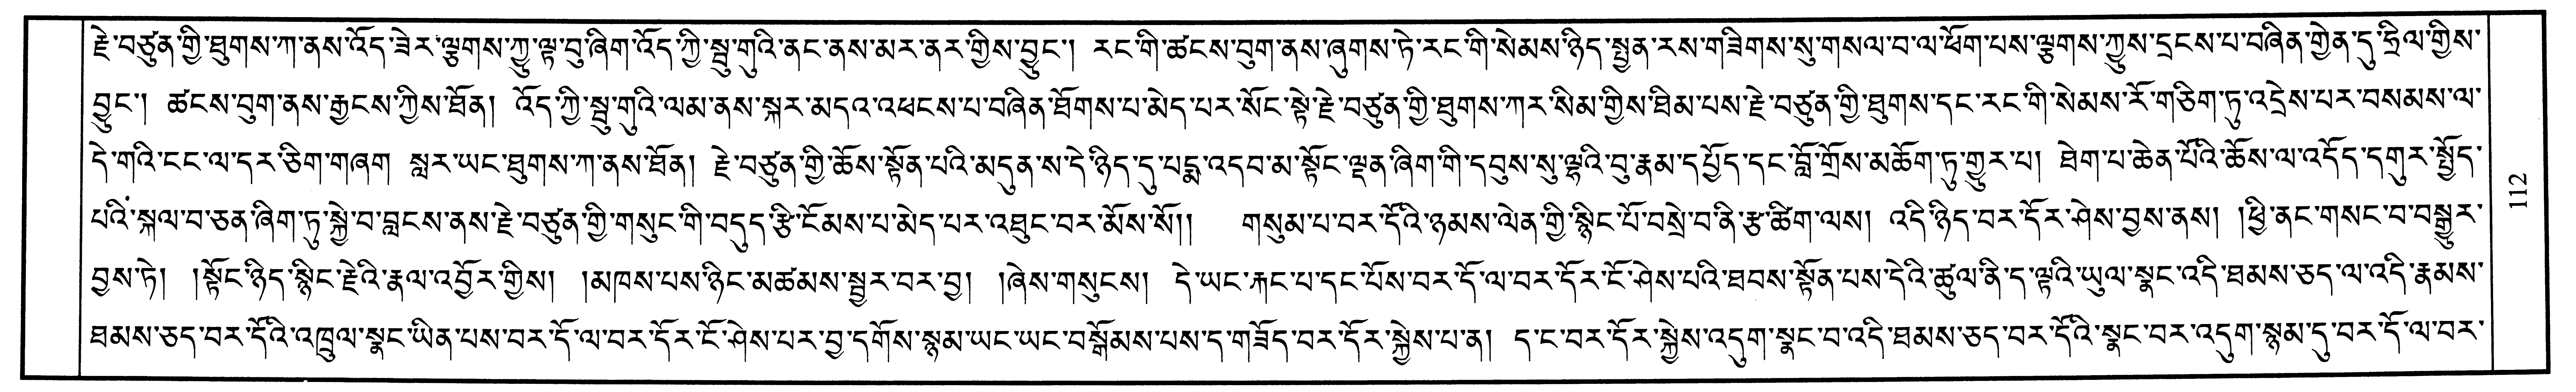རྗེ་བཙུན་གྱི་ཐུགས་ཀ་ནས་འོད་ཟེར་ལྕགས་ཀྱུ་ལྟ་བུ་ཞིག་འོད་ཀྱི་སྦུ་གུའི་ནང་ནས་མར་ནར་གྱིས་བྱུང་། རང་གི་ཚངས་བུག་ནས་ཞུགས་ཏེ་རང་གི་སེམས་ཉིད་སྤྱན་རས་གཟིགས་སུ་གསལ་བ་ལ་ཕོག་པས་ལྕགས་ཀྱུས་དྲངས་པ་བཞིན་གྱེན་དུ་ཧྲིལ་གྱིས་
བྱུང་། ཚངས་བུག་ནས་རྒྱངས་ཀྱིས་ཐོན། འོད་ཀྱི་སྦུ་གུའི་ལམ་ནས་སྐར་མདའ་འཕངས་པ་བཞིན་ཐོགས་པ་མེད་པར་སོང་སྟེ་རྗེ་བཙུན་གྱི་ཐུགས་ཀར་སིམ་གྱིས་ཐིམ་པས་རྗེ་བཙུན་གྱི་ཐུགས་དང་རང་གི་སེམས་རོ་གཅིག་ཏུ་འདྲེས་པར་བསམས་ལ་
དེ་གའི་ངང་ལ་དར་ཅིག་གཞག །སླར་ཡང་ཐུགས་ཀ་ནས་ཐོན། རྗེ་བཙུན་གྱི་ཆོས་སྟོན་པའི་མདུན་ས་དེ་ཉིད་དུ་པདམ་འདབ་མ་སྟོང་ལྡན་ཞིག་གི་དབུས་སུ་ལྷའི་བུ་རྣམ་དཔྱོད་དང་བློ་གྲོས་མཆོག་ཏུ་གྱུར་པ། ཐེག་པ་ཆེན་པོའི་ཆོས་ལ་འདོད་དགུར་སྤྱོད་
པའི་སྐལ་བ་ཅན་ཞིག་ཏུ་སྐྱེ་བ་བླངས་ནས་རྗེ་བཙུན་གྱི་གསུང་གི་བདུད་རྩི་ངོམས་པ་མེད་པར་འཐུང་བར་མོས་སོ།། གསུམ་པ་བར་དོའི་ཉམས་ལེན་གྱི་སྙིང་པོ་བསྲེ་བ་ནི་རྩ་ཚིག་ལས། འདི་ཉིད་བར་དོར་ཤེས་བྱས་ནས། །ཕྱི་ནང་གསང་བ་བསྒྱུར་
བྱས་ཏེ། །སྟོང་ཉིད་སྙིང་རྗེའི་རྣལ་འབྱོར་གྱིས། །མཁས་པས་ཉིང་མཚམས་སྦྱར་བར་བྱ། །ཞེས་གསུངས། །དེ་ཡང་རྐང་པ་དང་པོས་བར་དོ་ལ་དོར་ངོ་ཤེས་པའི་ཐབས་སྟོན་པས་དེའི་ཚུལ་ནི་ད་ལྟའི་ཡུལ་སྣང་འདི་ཐམས་ཅད་ལ་འདི་རྣམས་
ཐམས་ཅད་བར་དོའི་འཁྲུལ་སྣང་ཡིན་པས་བར་དོ་ལ་བར་དོར་ངོ་ཤེས་པར་བྱ་དགོས་སྙམ་ཡང་ཡང་བསྒོམས་པས་ད་གཟོད་བར་དོར་སྐྱེས་པ་ན། ད་ང་བར་དོར་སྐྱེས་འདུག་སྣང་བ་འདི་ཐམས་ཅད་བར་དོའི་སྣང་བར་འདུག་སྙམ་དུ་བར་དོ་ལ་བར་